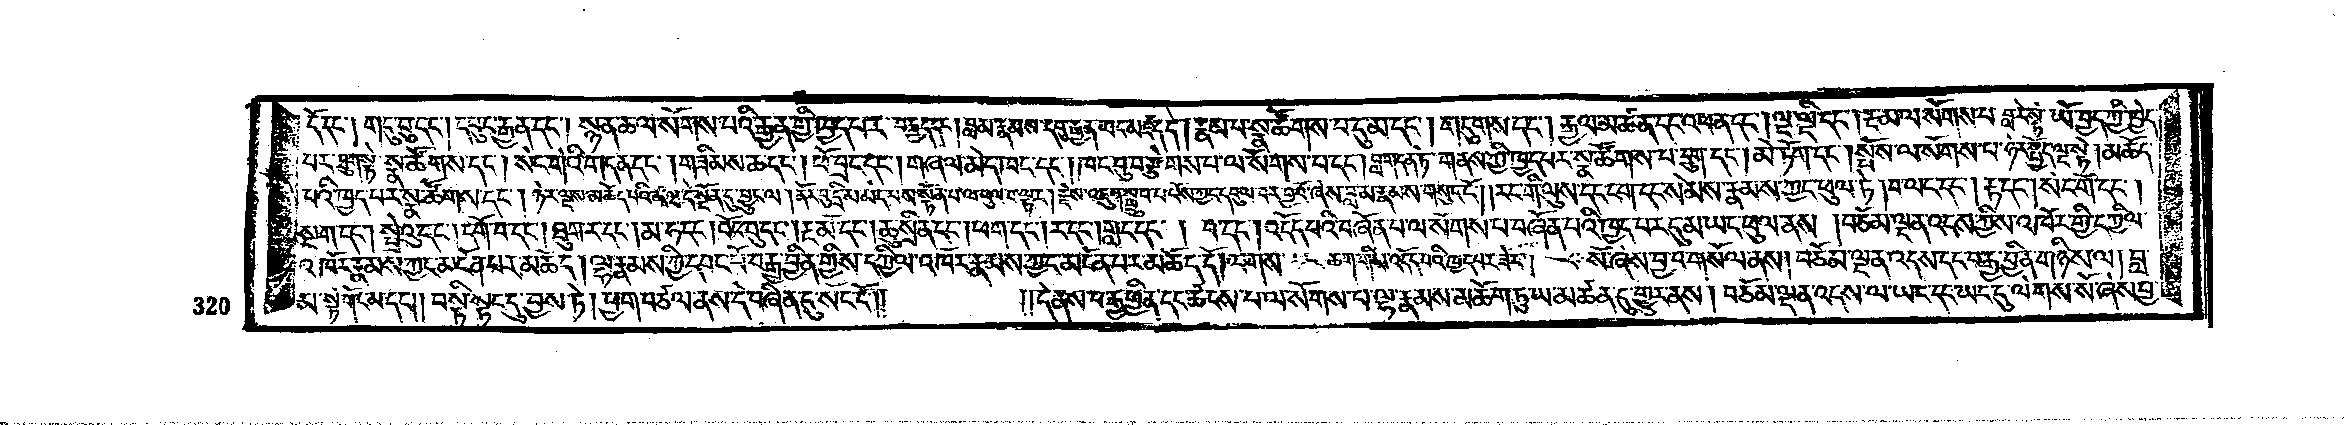དོ་དང་། གདུ་བུ་དང་། དཔུང་རྒྱན་དང་། སྙན་ཆ་ལ་སོགས་པའི་རྒྱན་གྱི་ཁྱད་པར་བརྒྱད་དང་། བླ་མ་རྣམས་དབུ་རྒྱན་ཡང་མཛད་དེ། རྣམ་པ་སྣ་ཚོགས་པ་དུ་མ་དང་། གདུགས་དང་། རྒྱལ་མཚན་དང་འཕན་དང་། ལྔ་ལྡི་དང་། རྔ་མ་ལ་སོགས་པ་བླ་ར་སྟེ་ཡོ་བྱད་ཀྱི་ཁྱད་
པར་དྲུག་སྟེ་སྣ་ཚོགས་དང་། སེང་གེའི་གདན་དང་། གཟིམས་ཆ་དང་། ཕོ་བྲང་དང་། གཞལ་མེད་ཁང་དང་། ཁང་བུ་བརྩེགས་པ་ལ་སོགས་པ་དང་། བླ་གདན་ཏེ་གནས་ཀྱི་ཁྱད་པར་སྣ་ཚོགས་པ་དྲུག་དང་། མེ་ཏོག་དང་། སྤོས་ལ་སོགས་པ་ཉེར་སྤྱོད་ལྔ་སྟེ། མཆོད་
པའི་ཁྱད་པར་སྣ་ཚོགས་དང་། ཉེར་ལྔས་མཆོད་པའི་ཚུལ་དེ་སྔོན་དུ་བྱུང་ལ། ནོར་བུ་དྲི་མ་མེད་པས་སྟོན་པ་ལ་ཕུལ་བ་ལྟར། རྗེས་འཇུག་སྒྲུབ་པ་པོས་ཀྱང་དབུལ་བར་བྱའོ་ཞེས་བླ་མ་རྣམས་གསུང་ངོ།  །རང་གི་ལུས་དང་ངག་དང་སེམས་རྣམས་ཀྱང་ཕུལ་ཏེ། བ་ལང་དང་། རྟ་དང་། སེང་གེ་དང་།
སྟག་དང་། སྤྲེའུ་དང་། དགོ་བ་དང་། ཐུག་ར་དང་། མ་ཧེ་དང་། བོང་བུ་དང་། རྔ་མོ་དང་། ཆུ་སྲིན་དང་། ཕག་དང་། རང་དང་། གླང་དང་། བ་དང་། འདོད་པའི་བཞོན་པ་ལ་སོགས་པ་བཞོན་པའི་ཁྱད་པར་དུ་མ་ཡང་ཕུལ་ནས། བཅོམ་ལྡན་འདས་ཀྱིས་འཁོར་གྱི་དཀྱིལ་
འཁོར་རྣམས་ཀྱང་མངོན་པར་མཆོད། ལྷ་རྣམས་ཀྱི་དབང་པོ་བརྒྱ་བྱིན་གྱིས་དཀྱིལ་འཁོར་རྣམས་ཀྱང་མངོན་པར་མཆོད་དོ། ལགས་H.་ཆག་གིས་འདོད་པའི་ཁྱད་པར་ཟེར།  སོ་ཞེས་བྱ་བ་གསོལ་ནས། བཅོམ་ལྡན་འདས་དང་བརྒྱ་བྱིན་གཉིས་ལ། བླ་
མ་སྟེ་གོང་མ་དང་། །བསྟི་སྟང་དུ་བྱས་ཏེ། ཕྱག་བཙལ་ནས་དེ་བཞིན་དུ་སོང་ངོ།། །།དེ་ནས་བརྒྱ་ཕྱིན་དང་ཚངས་པ་ལ་སོགས་པ་ལྷ་རྣམས་མཆོག་ཏུ་ཡ་མཚན་དུ་གྱུར་ནས། བཅོམ་ལྡན་འདས་ལ་ཡང་དང་ཡང་དུ་ལེགས་སོ་ཞེས་བྱ་